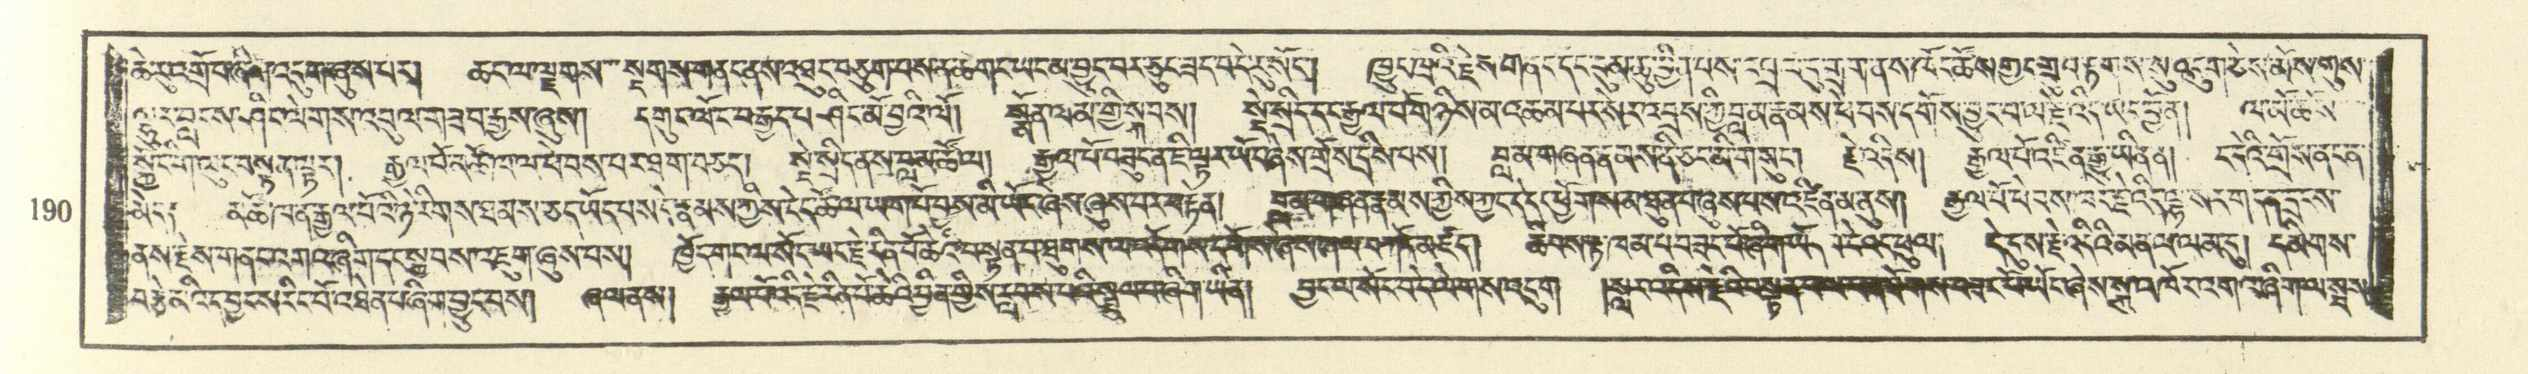ཆེ་རུ་འགྲོ་བ་ཞིག་འདུག་ཞུས་པར། ཆང་ལ་ལྗགས་སྔགས་གནང་ནས་འཐུང་བཅུག་པས་ན་ཚ་གང་ཡང་མ་བྱུང་བར་ཅུང་ཟད་བདེ་རུ་སོང་། ཁྱུང་ཁྲའི་རྗེས་གནང་དང་བུམ་ཆུ་བྱིན་པས་འཕྲལ་དུ་གྲག་ནས་ཁོང་ཚོས་ཀྱང་གྲུབ་རྟགས་སུ་འདུག་ཅེས་མོས་གུས་
ལྷུར་བླངས་ཤིང་ལེགས་འབུལ་གཟབ་རྒྱས་ཞུས། དགུང་ལོ་ང་བརྒྱད་བཤིང་མོ་བྱའི་ལོ། སྨོན་ལམ་གྱི་སྐབས། སྡེ་སྲིད་དང་རྒྱལ་པོ་གཉིས་མ་འཆམ་པར་སེར་འབྲས་ཀྱི་བླ་མ་རྣམས་ཕེབས་དགོས་བྱུང་བ་ལ་རྗེ་འདི་ཡང་བྱིན། ལ་མོ་ཆོས་
སྐྱོང་གི་ལུང་བསྟན་ལྟར། རྒྱལ་པོ་མཚོ་ཁ་ལ་ཕེབས་པར་ཐག་བཅད། སྡེ་སྲིད་ནས་བླ་མ་ཚོལ། རྒྱལ་པོ་བཟུང་ན་ཇི་ལྟར་ཡོང་ཞེས་གྲོས་དྲིས་པས། བླ་མ་གཞན་རྣམས་ནི་ཅང་མི་གསུང་། རྗེ་འདིས། རྒྱལ་པོ་འཛིན་རྒྱུ་ཡིན་ན། ང་དེའི་གྲོས་ནང་ན་
མེད༑ མཚོ་ཁན་རྒྱལ་པོའི་ཉེ་རིགས་ཐམས་ཅད་ཡོད་པས་དེ་རྣམས་ཀྱིས་ངེད་ཚོལ་ཡག་པོ་བྱས་མི་ཡོང་ཞེས་ཞུས་པར་བརྟེན། བླ་མ་གཞན་རྣམས་ཀྱིས་ཀྱང་དེ་དང་ཕྱོགས་མཐུན་པ་ཞུས་པས་འཛིན་མ་ནུས། རྒྱལ་པོ་ཕེབས་ཁར་རྗེ་འདི་ལྷ་སར་གདན་དྲངས་
ནས་རྗེས་གནང་འགའ་ཞིག་དང་སྐྱབས་འཇུག་ཞུས་པས། ཁྱོད་གང་ལ་སོང་ཡང་རྗེ་རིན་པོ་ཆེའི་བསྟན་པ་ཐུགས་ལ་འདོགས་དགོས་ཞེས་ཞལ་བཀོད་མཛད། ཆིབས་རྟ་ཁམས་པ་བཟང་པོ་ཞིག་ཡོད་པ་དེའང་ཕུལ། དེ་དུས་རྗེ་འདིའི་མནལ་ལམ་དུ། དམིགས་
བརྩེ་མའི་དབྱངས་རིང་པོ་འཐེན་པ་ཞིག་བྱུང་བས། ཞལ་ནས། རྒྱལ་པོ་འདི་རྗེ་རིན་པོ་ཆེའི་བྱིན་གྱིས་རླབས་པའི་སྒྲུལ་པ་ཞིག་ཡིན། བྱང་ལ་སོང་བདེ་ལེགས་འདུག །སླར་འདིས་རྗེའི་བསྟན་པ་ལ་ཕན་ཐོགས་བཟང་པོ་ཡོང་ཞེས་སྐུ་འཁོར་འགའ་ཞིག་ལ་སྔས་